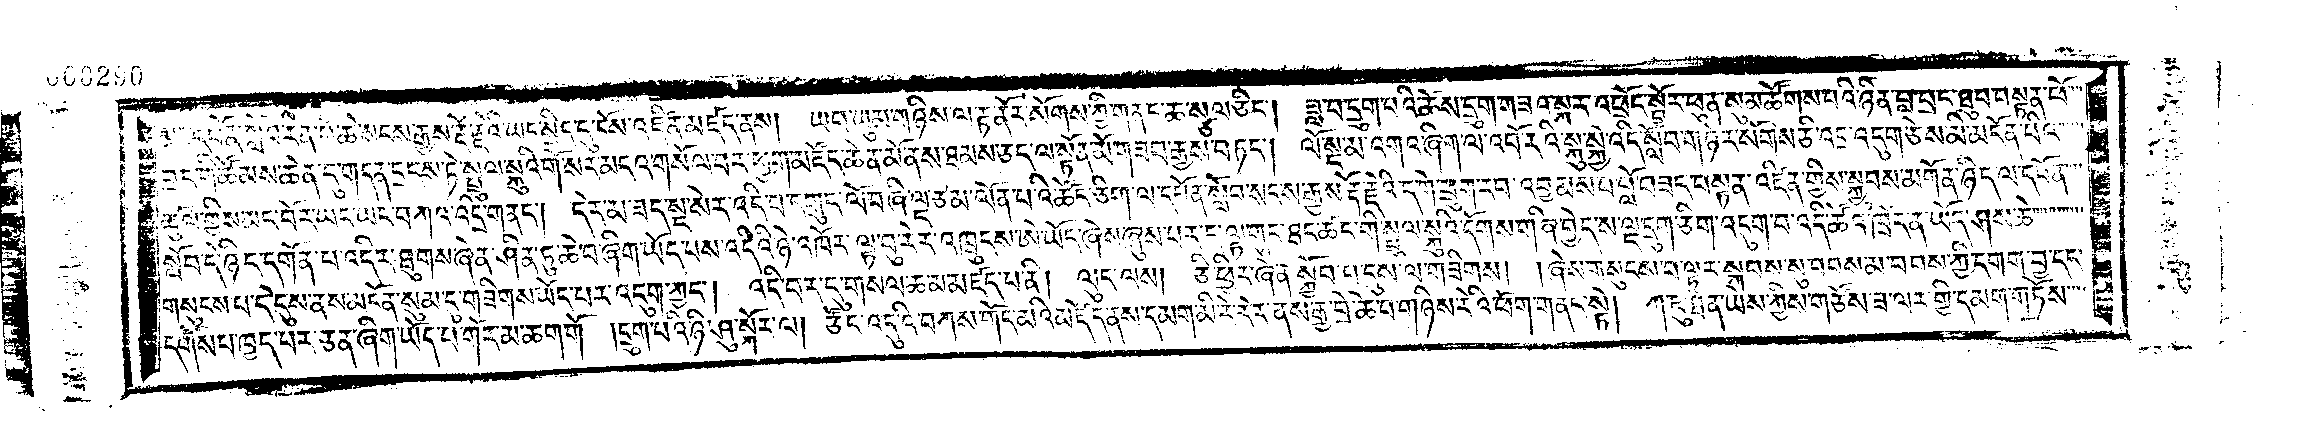མང་དཔོན་སློབ་རིན་པོ་ཆེ་སངས་རྒྱས་རྡོ་རྗེའི་ཡང་སྲིད་དུ་ངོས་འཛིན་མཛད་ནས། ཡབ་ཡུམ་གཉིས་ལ་རྟ་ནོར་སོགས་ཀྱི་གནང་ཆ་སྩལ་ཅིང་། ཟླ་བ་དྲུག་པའི་ཚེས་དྲུག་གཟའ་སྐར་འཕྲོད་སྦྱོར་ཕུན་སུམ་ཚོགས་པའི་ཉིན་བླ་བྲང་ཐུབ་བསྟན་ཕོ་
བྲང་གི་ཚོམས་ཆེན་དུ་གདན་དྲངས་ཏེ་སྤྲུལ་སྐུའི་གོ་སར་མངའ་གསོལ་བར་ཕྱག་མཛོད་ཆེན་མོ་ནས་ཐམས་ཅད་ལ་སྟོན་མོ་གཟབ་རྒྱས་བཏང་། ལོ་སྔ་མ་འགའ་ཞིག་ལ་འབོ་རའི་སྐུ་སྐྱེ་འདི་སློབ་གཉེར་སོགས་ཅི་འདྲ་འདུག་ཅེས་མི་མངོན་པའི་
ཚུལ་གྱིས་མང་པོར་ཡང་ཡང་བཀའ་འདྲི་གནང་། དེར་མ་ཟད་སྔ་སོར་འདི་བ་དགུང་ལོ་བཞི་ལྔ་ཙམ་ལོན་པའི་ཚོད་ཅིག་ལ་དཔོན་སློབ་སངས་རྒྱས་རྡོ་རྗེའི་དགེ་ཕྲུག་རབ་འབྱམས་པ་བློ་བཟང་བསྟན་འཛིན་གྱིས་སྐྱབས་མགོན་ཉིད་ལ་དཔོན་
སློབ་དེ་ཉིད་དགོན་པ་འདིར་ཐུགས་ཞེན་ཤིན་ཏུ་ཆེ་བ་ཞིག་ཡོད་པས་འདིའི་ཉེ་འཁོར་ལྟ་བུ་རེར་འཁྲུངས་ཨེ་ཡོད་ཞེས་ཞུས་པར་ད་ལྟ་གུང་ཐང་ཚང་གི་སྤྲུལ་སྐུའི་དོགས་གཞི་བྱེད་ས་ལྔ་དྲུག་ཅིག་འདུག་པ་འདི་ཚོའི་ཁྲོད་ན་ཡོད་ཤས་ཆེ་
གསུངས་པ་དེ་དུས་ནས་མངོན་སུམ་དུ་གཟིགས་ཡོད་པར་འདུག་ཀྱང་། འདི་བར་དུ་གསལ་ཆ་མ་མཛད་པ་ནི། ལུང་ལས། ཅི་ཕྱིར་ཞེ་ན་སྐྱོབ་པ་དུས་ལ་གཟིགས། །ཞེས་གསུངས་པ་ལྟར་སྐབས་སུ་བབས་མ་བབས་ཀྱི་དགག་བྱ་དང་
དགོས་པ་ཁྱད་པར་ཅན་ཞིག་ཡོད་པ་གོར་མ་ཆག་གོ །དྲུག་པའི་ཉི་ཤུ་སྐོར་ལ། ཙོང་འདུའི་བཀས་གོང་མའི་མཛོད་ནས་དམག་མི་རེ་རེར་ནས་རྒྱ་བྲེ་ཆེ་བ་གཉིས་རེའི་ཕོག་གནང་སྟེ། ཀ་ཇུ་ཐན་ཡེས་ཀྱིས་གཙོས་ཟ་ལར་གྱི་དམག་གཏོས་